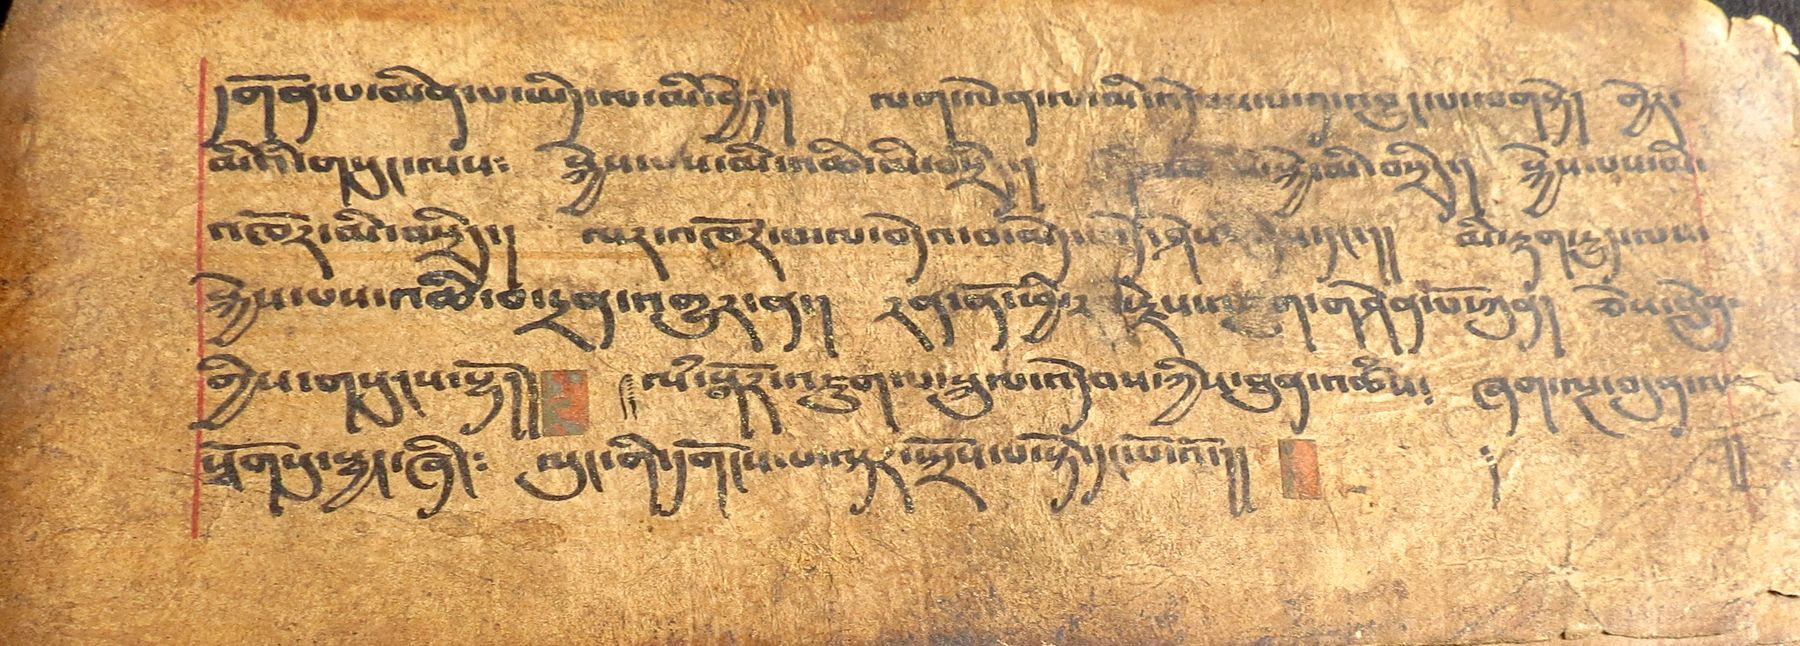དགོན་པ་མིན་པ་ཡིད་ལ་མི་བྱེད་ལག་ལེན་ལ་མི་འདེབས་པ་ཞིག་འབྱུང་བ་ལགས་སྟེ། གྱེར་
མིའི་གསུང་ལས། སྐྱེས་པས་མི་འཆི་མི་སྲིད། ཤི་བས་མི་སྐྱེ་མི་སྲིད། སྐྱེས་པས་མི་
འཁོར་མི་སྲིད། ལར་འཁོར་བ་ལ་བདེ་བ་མེད་པ་དེ་ཤེས་སམ་ཞེས་དང་། མི་རྟག་རྒྱུད་ལ་
སྐྱེས་ནས་འཆི་བ་དྲན་གྱུར་ན། དྲན་ནོ་ཕྱི་རབས་རྗེས་འཇུག་གཤེན་པོ་ཀུན། ཅེས་བླ་ཆེན་
གྱིས་གསུངས་སོ། ། ལམ་སྒོར་འཇུག་པ་སྐུལ་འདེབས་ཀྱི་ཐུན་མཚམས། ཞག་ལྔ་བདུན་ལ་
སོགས་སུ་སྦྱོང་ཞིང་། ལུང་གི་དགོངས་པ་ལྟར་སྤྲོས་པ་སྟེ་དང་པོའོ། །